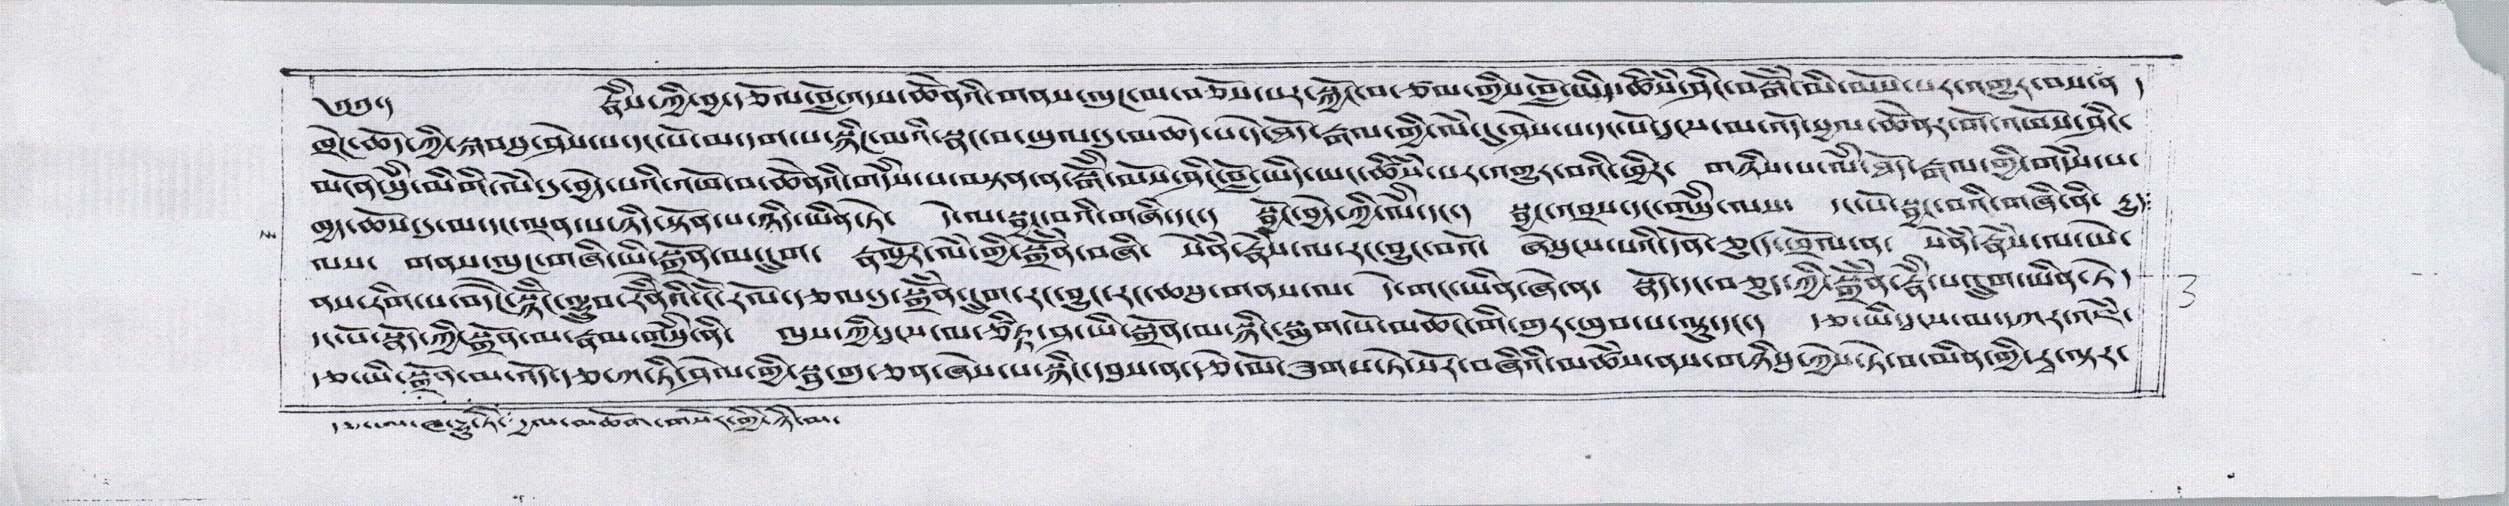རྣམས་ཀྱི་བྱ་རྩོལ་བློ་འདས་ཆེན་པོའི་གནས་ལུགས་མ་བཅོས་པར་སྐྱོང་བ་ཙམ་གྱིས་བློ་ཡིད་ཚིམ་ཞིང་བསྒོམ་མི་མོས་པར་འགྱུར་བས་ན། 
ཁྲེག་ཆོད་ཀྱི་སྐབས་སུ་ཤེས་པ་དང་པོ་མ་དག་པ་སྙིགས་མའི་སྣང་བ་ཡུལ་དུ་མཆེད་པ་དེ་ཐོལ་རྒལ་གྱི་ལམ་དུ་ཤེས་པ་དང་པོ་དྭངས་མ་འོད་གསལ་ཆེན་པོར་གོ་འཕོས་ཤིང་། 
མངོན་སུམ་མིག་གི་ལམ་དུ་བྱེད་པའི་འཕོ་བ་ཆེན་པོའི་གདམས་པ་བསྟན་ན་བསྒོམ་མོས་ཤིང་བློ་ཡིད་ཡང་ཚིམས་པར་འགྱུར་བའི་ཕྱིར། གཉིས་པ་ལམ་ཐོད་རྒལ་གྱི་གདམས་པ་
ཁྱད་ཆོས་དུ་མ་དང་ལྡན་པ་ཉིད་སྟོན་པ་ཡིན་ཏེ། དེ་ལ་སྦྱང་བའི་གཞི་དང་། སྦྱོང་བྱེད་ཀྱི་ལམ་དང་། སྦྱངས་འབྲས་དང་གསུམ་ལས། དང་པོ་སྦྱང་བའི་གཞི་ནི། རྒྱུད་
ལས། གནས་ལུགས་གཞི་ཡི་སྒྲོན་མ་དྲུག རྣལ་འབྱོར་ལམ་གྱི་སྒྲོན་མ་བཞི། སེམས་ཅན་རྣམས་ལ་རང་བྱུང་བའོ། ཞེས་གསུངས་པའི་དོན་ཅུང་ཟད་བཀྲོལ་ན། སེམས་ཅན་རྣམས་ལ་ཡེ་
ནས་རིག་པ་བདེར་གཤེགས་སྙིང་པོ་ལྷུན་གྲུབ་རིན་པོ་ཆེའི་ངོ་བོ་རོལ་རྩལ་དུ་སྒྲོན་མ་དྲུག་རང་འབྱུང་རང་ཆས་སུ་གནས་ལ། དེ་གང་ཡིན་ཞེ་ན། སྣོད་དང་བཅུད་ཀྱི་སྒྲོན་མ་རྣམ་པ་དྲུག་ཡིན་ཏེ། 
དང་པོ་སྣོད་ཀྱི་སྒྲོན་མ་རྣམ་གསུམ་ནི། ལུས་ཀྱི་དྭངས་མ་རྩི་རྟ་ཤ་ཡི་སྒྲོན་མ་སྙིང་སྨུག་པོ་མཆོང་གི་གུར་ཕུབ་པ་ལྟ་བུ་དང་། རྩ་ཡི་དྭངས་མ་དཀར་འཇམ་
རྩ་ཡི་སྒྲོན་མ་འོད་རྩ་ཀ་ཏི་ཤེལ་གྱི་སྦུ་གུ་ཅན་ཞེས་པ་སྙིང་དབུས་ན་རྩེ་མོ་ཟུགས་ཏེ་སོར་བཞིའི་མཚམས་ནས་གཉིས་སུ་གྱེས་ཏེ། བ་མིན་གྱི་རྭ་ལྟར་